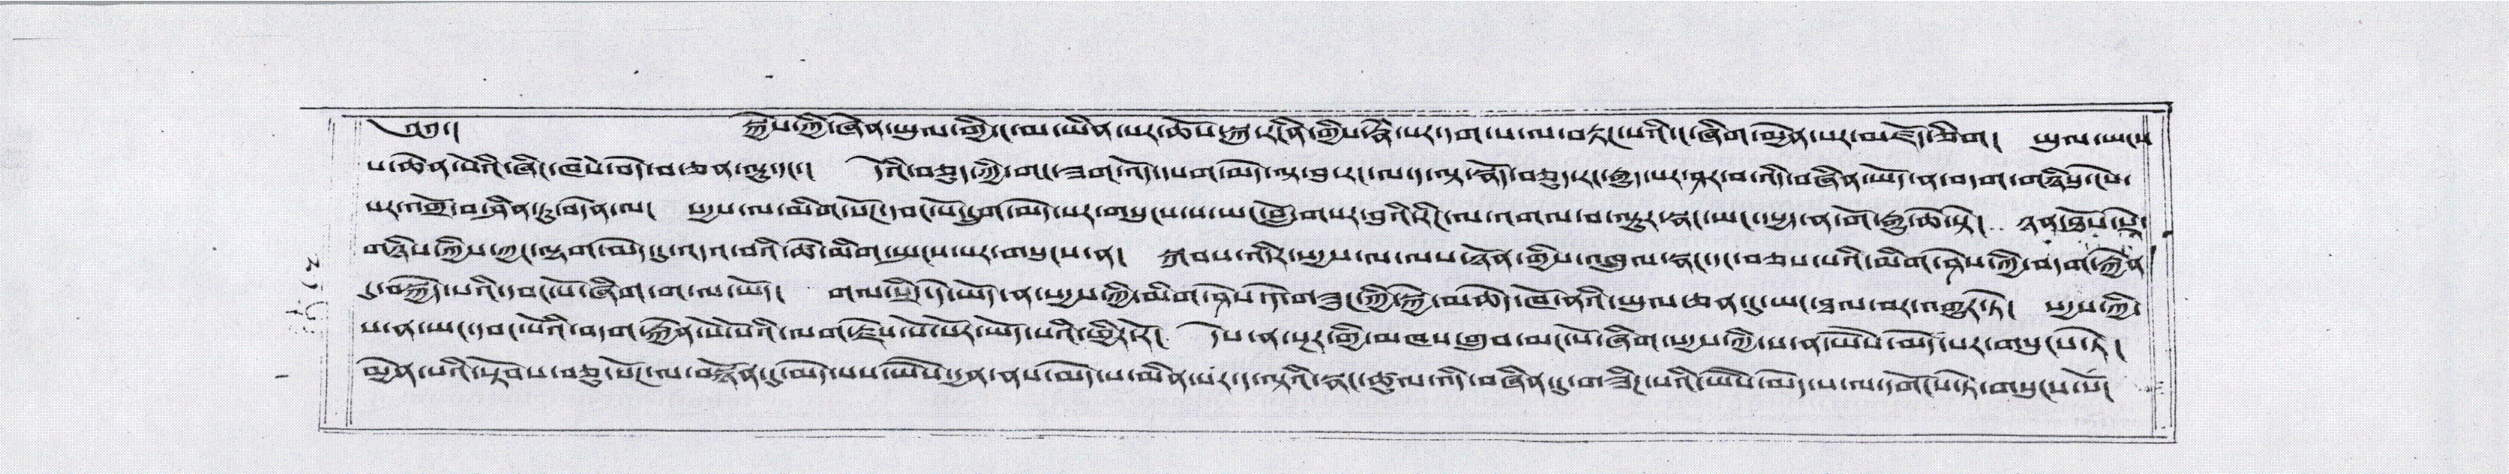སྐྱེས་ཀྱི་ཞེན་ཡུལ་གྱི་ང་མ་ཡིན་པར་ཆོས་སྐུ་རང་བཞིན་གྱིས་རྣམ་པར་དག་པ་ལ་བརྟགས་པའི་ང་ཞིག་མཁྱེན་པར་མཛོད་ཅིག ཡུལ་ཡངས་
པ་ཆེན་པོའི་ཞིང་ཁམས་བདེ་བ་ཅན་ལྟ་བུ་དང། དེའི་བཅུད་ཀྱི་གང་ཟག་འོད་དཔག་མེད་ལྟ་བུ་རང་ལ་ད་ལྟ་སྣོད་བཅུད་རང་རྒྱུད་པར་ཤར་བ་འདི་བཞིན་ཡོད་ན་བདག་གཉིས་སུ་ངེས་
པར་འགྲོ་བ་ཤིན་ཏུ་བདེན་ལ། སངས་རྒྱས་ལ་མིག་སོགས་དབང་པོ་དྲུག་མེད་པར་གསུངས་པ་ཡང་བློ་གསར་བུའི་རིགས་ལ་འགལ་བ་ལྟ་བུར་སྣང་ཡང་དཔྱད་ན་གོ་རྒྱུ་ཆེ་སྟེ། ཉན་ཐོས་སྡེ་
གཉིས་ཀྱིས་ཀྱང་ལྷག་མེད་དུ་འདའ་བའི་ཚེ་མིག་སྤངས་པར་གསུངས་ན། སྐབས་འདིར་སངས་རྒྱས་ལ་ལས་ཉོན་གྱིས་འཁྲུལ་སྣང་དང་བཅས་པའི་མིག་ཤེས་ཀྱི་བདག་རྐྱེན་
དུ་བསྐྱེད་པའི་དབང་པོ་ཞིག་ག་ལ་ཡོད། གལ་སྲིད་དེ་ཡོད་ན་སངས་རྒྱས་ཀྱི་མིག་ཤེས་དེ་གཟུགས་ཀྱི་སྐྱེ་མཆེད་ཁོ་ནའི་ཡུལ་ཅན་དུ་ཡང་ཐལ་བར་འགྱུར་ཏེ། སངས་རྒྱས་ཀྱི་
ས་ན་ཡང་དབང་པོའི་བདག་རྐྱེན་སོ་སོའི་ལག་རྗེས་སོ་སོར་ཡོད་པའི་ཕྱིར་རོ། དེས་ན་སྔར་གྱི་མཁས་གྲུབ་མང་པོ་ཞིག་སངས་རྒྱས་ཀྱི་ས་ན་ཡེ་ཤེས་མེད་པར་གསུངས་ཏེ། 
མཁྱེན་པའི་སྟོབས་བཅུ་སོགས་ལ་བསྙོན་དུ་མེད་པས་ཡེ་ཤེས་རྒྱན་ནས་མེད་པ་མིན་པར་ད་ལྟའི་སྣང་ཚུལ་འདི་བཞིན་དུ་གཟིགས་པའི་ཡེ་ཤེས་མེད་པ་ལ་དགོངས་ཏེ་གསུངས་སོ།